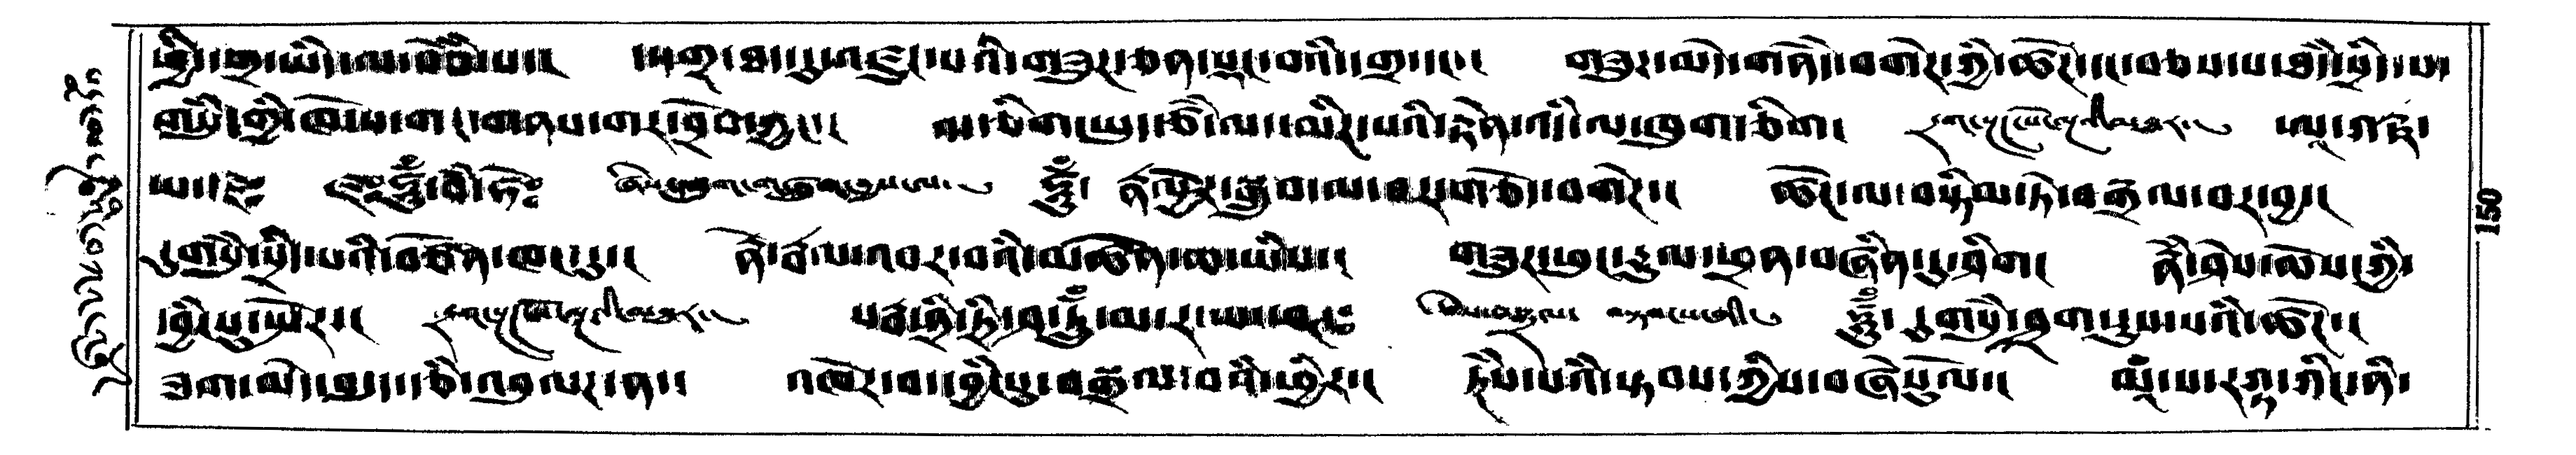ཕྱི་དགྲ་ཡིད་ལ་སེམས་པ། ད་དགྲ་ཐད་དུ་འཛུགས་པའི་གཟུགས་ཅན་སྡང་བའི་དགྲ་དང་། གཟུགས་མེད་གནོད་བྱེད་བགེགས་ཀྱི་ཚོགས་དང་བཅས་པ་ཐམས་ཅད་སྲིད་པ་
གསུམ་གྱི་ཁོངས་གར་གནས་གར་བྲོས་ཀྱང་།སྐད་ཅིག་ཡུད་ཙམ་ལ་དམིགས་པའི་རྟེན་འདི་ལ་ཁུག་ཅིག དྲག་སྔགས་སོ་ལྔའི་མཐར། ཨཱ་ཀརྵ་
ཡ་ཛཿ ཛཿཧཱུྃ་བཾ་ཧོཿ ཞེས་འགུགས་གཞུག་བྱས་ལ། ཧཱུྃ། རྣལ་འབྱོར་སྒྲུབ་ལ་བར་གཅོད་བགེགས། །ཚོགས་ལ་བསྟིམ་ཏེ་བསྒྲལ་བར་བྱ། །
དུག་གསུམ་སྲིད་པའི་བཙོན་ཁང་དུ། །རྣོ་དབལ་འབར་བའི་མཚོན་ཆ་ཡིས། །གཟུགས་ཕུང་རྡུལ་ཕྲན་བཞིན་དུ་གཤིག །རྣམ་ཤེས་ཆོས་ཀྱི་
དབྱིངས་སུ་སྤོར།། དྲག་སྔགས་སོ་ལྔའི་མཐར། སརྦ་ནྲི་ཏྲི་ཤ་ཏྲུྃ་མ་ར་ཡ་ཕཊཿ ཅེས་བསྒྲལ། བསྟབ་པ་ནི། ཧཱུྃ། དུག་གསུམ་ཤ་ཁྲག་རུས་པའི་ཚོགས། །
ཟག་མེད་བདུད་རྩིར་འབུལ་ལགས་ན། །འཁོར་བ་དབྱིངས་སུ་བསྒྲལ་བའི་ཕྱིར། །རྔམས་པའི་སྟབས་ཀྱིས་བཞེས་སུ་གསོལ། །མཱཾ་ས་རཀྟ་ཀིང་ནི་